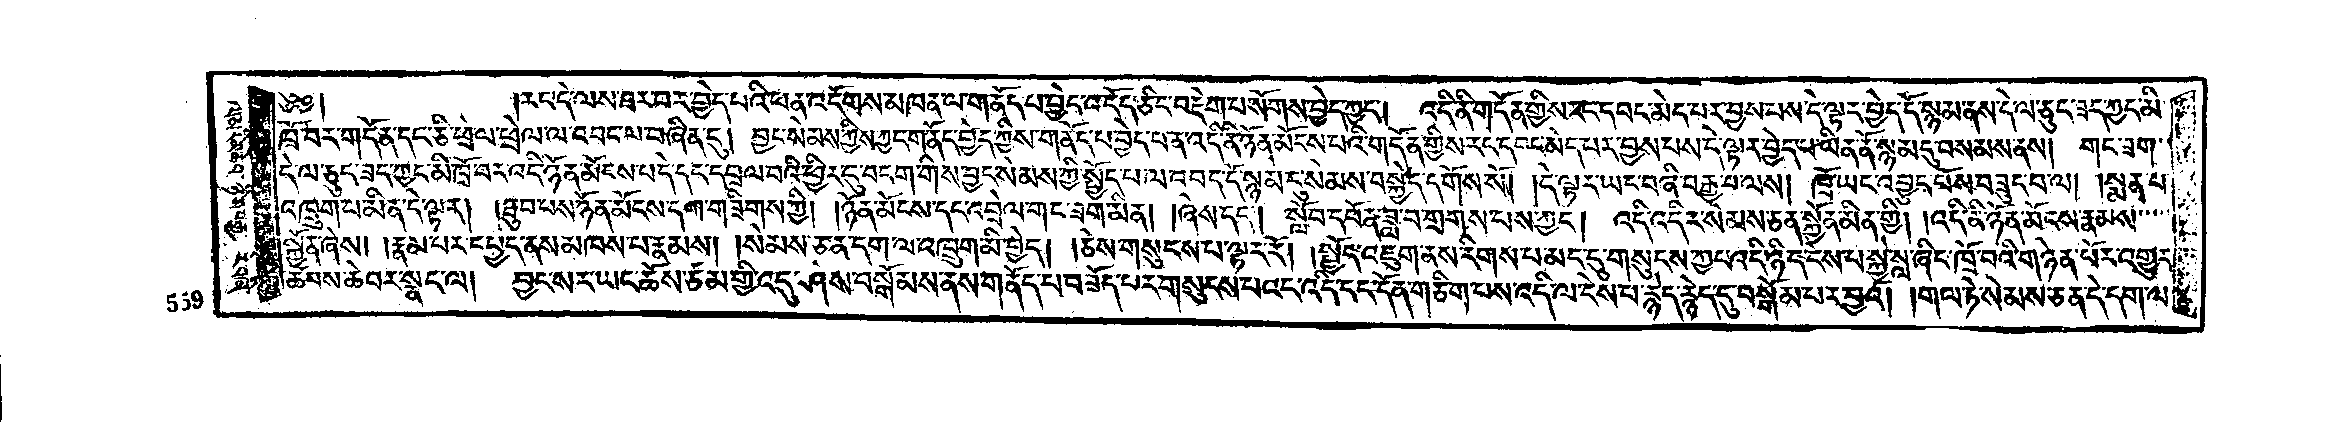༄༅། །རང་དེ་ལས་ཐར་བར་བྱེད་པའི་ཕན་འདོགས་མཁན་ལ་གནོད་པ་བྱེད་འདོད་ཅིང་བརྡེག་པ་སོགས་བྱེད་ཀྱང་། འདི་ནི་གདོན་གྱིས་རང་དབང་མེད་པར་བྱས་པས་དེ་ལྟར་བྱེད་དོ་སྙམ་ནས་དེ་ལ་ཅུང་ཟད་ཀྱང་མི་
ཁྲོ་བར་གདོན་དང་ཅི་ཕྲེལ་ཕྲེལ་ལ་འབད་པ་བཞིན་དུ། བྱང་སེམས་ཀྱིས་ཀྱང་གནོད་བྱེད་ཀྱིས་གནོད་པ་བྱེད་པ་ན་འདི་ནི་ཉོན་མོངས་པའི་གདོན་གྱིས་རང་དབང་མེད་པར་བྱས་པས་དེ་ལྟར་བྱེད་པ་ཡིན་ནོ་སྙམ་དུ་བསམས་ནས། གང་ཟག་
དེ་ལ་ཅུང་ཟད་ཀྱང་མི་ཁྲོ་བར་འདི་ཉོན་མོངས་པ་དེ་དང་དབྲལ་བའི་ཕྱིར་དུ་བདག་གིས་བྱང་སེམས་ཀྱི་སྤྱོད་པ་ལ་འབད་དོ་སྙམ་དུ་སེམས་བསྐྱེད་དགོས་སོ། །དེ་ལྟར་ཡང་བཞི་བརྒྱ་པ་ལས། ཁྲོ་ཡང་འབྱུང་པོས་བཟུང་བ་ལས། །སྨན་པ་
འཁྲུག་པ་མིན་དེ་ལྟར། །ཐུབ་པས་ཉོན་མོངས་དག་གཟིགས་ཀྱི། །ཉོན་མོངས་དང་འབྲེལ་གང་ཟག་མིན། །ཞེས་དང་། སློབ་དཔོན་ཟླ་བ་གྲགས་པས་ཀྱང་། འདི་འདིར་སེམས་ཅན་སྐྱོན་མིན་གྱི། །འདི་ནི་ཉོན་མོངས་རྣམས་
སྐྱོན་ཞེས། །རྣམ་པར་དཔྱད་ནས་མཁས་པ་རྣམས། །སེམས་ཅན་དག་ལ་འཁྲུག་མི་བྱེད། །ཅེས་གསུངས་པ་ལྟར་རོ། །སྤྱོད་འཇུག་ནས་རིགས་པ་མང་དུ་གསུངས་ཀྱང་འདི་ཉིད་ངེས་པ་སྐྱེ་སླ་ཞིང་ཁྲོ་བའི་གཉེན་པོར་འགྱུར་
ཚབས་ཆེ་བར་སྣང་ལ། བྱང་སར་ཡང་ཆོས་ཙམ་གྱི་འདུ་ཤེས་བསྒོམས་ནས་གནོད་པ་བཟོད་པར་གསུངས་པའང་འདི་དང་དོན་གཅིག་པས་འདི་ལ་ངེས་པ་རྙེད་རྙེད་དུ་བསྒོམ་པར་བྱའོ། །གལ་ཏེ་སེམས་ཅན་དེ་དག་ལ་